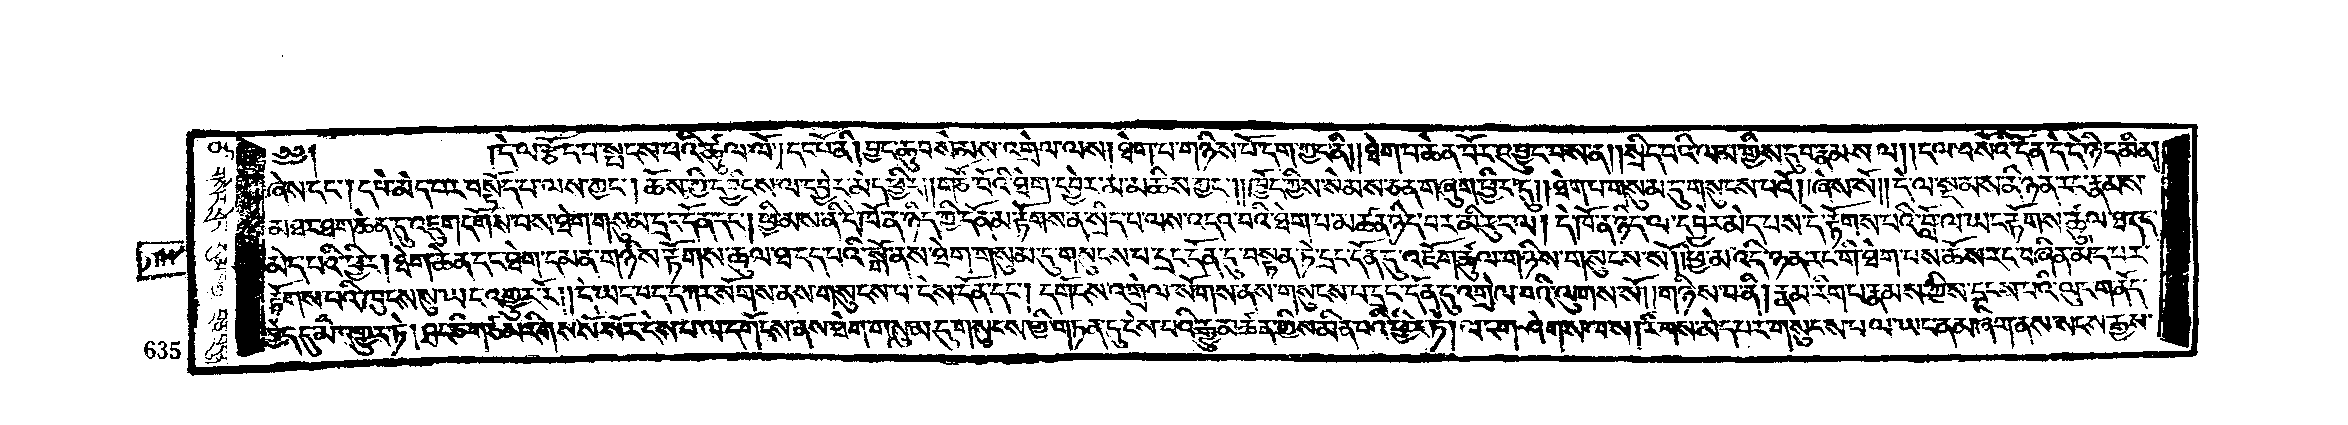༄༅། །དེ་ལ་རྩོད་པ་སྤངས་པའི་ཚུལ་ལོ། །དང་པོ་ནི། བྱང་ཆུབ་སེམས་འགྲེལ་ལས། ཐེག་པ་གཉིས་པོ་དག་ཀྱང་ནི། །ཐེག་པ་ཆེན་པོར་འབྱུང་བས་ན། །སྲིད་པའི་ལམ་གྱིས་དུབ་རྣམས་ལ། །ངལ་བ་སོའི་དོན་དེ་དེ་ཉིད་མིན།
ཞེས་དང་། དཔེ་མེད་པར་བསྟོད་པ་ལས་ཀྱང་། ཆོས་ཀྱི་དབྱིངས་ལ་དབྱེར་མེད་ཕྱིར། །གཙོ་བོའི་ཐེག་དབྱེར་མ་མཆིས་ཀྱང་། །ཁྱོད་ཀྱིས་སེམས་ཅན་གཞུག་ཕྱིར་དུ། །ཐེག་པ་གསུམ་དུ་གསུངས་པའོ། །ཞེས་སོ། །དེ་ལ་སྔ་མས་ནི་ཉན་རང་རྣམས་
མཐར་ཐེག་ཆེན་དུ་འཇུག་དགོས་པས་ཐེག་གསུམ་དྲང་དོན་དང་། ཕྱི་མས་ན་དེ་ཁོ་ན་ཉིད་ཀྱི་དོན་མ་རྟོགས་ན་སྲིད་པ་ལས་འདའ་བའི་ཐེག་པ་མཚན་ཉིད་པར་མི་རུང་ལ། དེ་ཁོ་ན་ཉིད་ལ་དབྱེར་མེད་པས་དེ་རྟོགས་པའི་བློ་ལ་ཡང་རྟོགས་ཚུལ་ཐ་དད་
མེད་པའི་ཕྱིར། ཐེག་ཆེན་དང་ཐེག་དམན་གཉིས་རྟོགས་ཚུལ་ཐ་དད་པའི་སྒོ་ནས་ཐེག་གསུམ་དུ་གསུངས་པ་དྲང་དོན་དུ་བསྟན་ཏེ་དྲང་དོན་དུ་འཇོག་ཚུལ་གཉིས་གསུངས་སོ། །ཕྱི་མ་འདི་ཉན་རང་གི་ཐེག་པས་ཆོས་རང་བཞིན་མེད་པར་
རྟོགས་པའི་ཁུངས་སུ་ཡང་འགྱུར་རོ། །དེ་ཡང་པད་དཀར་སོགས་ནས་གསུངས་པ་ངེས་དོན་དང་། དགོངས་འགྲེལ་སོགས་ནས་གསུངས་པ་དང་དོན་དུ་འགྲེལ་བའི་ལུགས་སོ། །གཉིས་པ་ནི། རྣམ་རིག་པ་རྣམས་ཀྱིས་དྲངས་པའི་ལུང་གནོད་
བྱེད་དུ་མི་འགྱུར་ཏེ། ཐང་ཅིག་ཙམ་རིགས་སོ་སོར་ངེས་པ་ལ་དགོངས་ནས་ཐེག་གསུམ་དུ་གསུངས་ཀྱི་གཏན་དུ་ངེས་པའི་རྒྱུ་མཚན་གྱིས་མིན་པའི་ཕྱིར་ཏེ། ལང་གཤེགས་ལས། རིགས་མེད་པར་གསུངས་པ་ལ་ཡང་ནམ་ཞིག་ནས་སངས་རྒྱས་